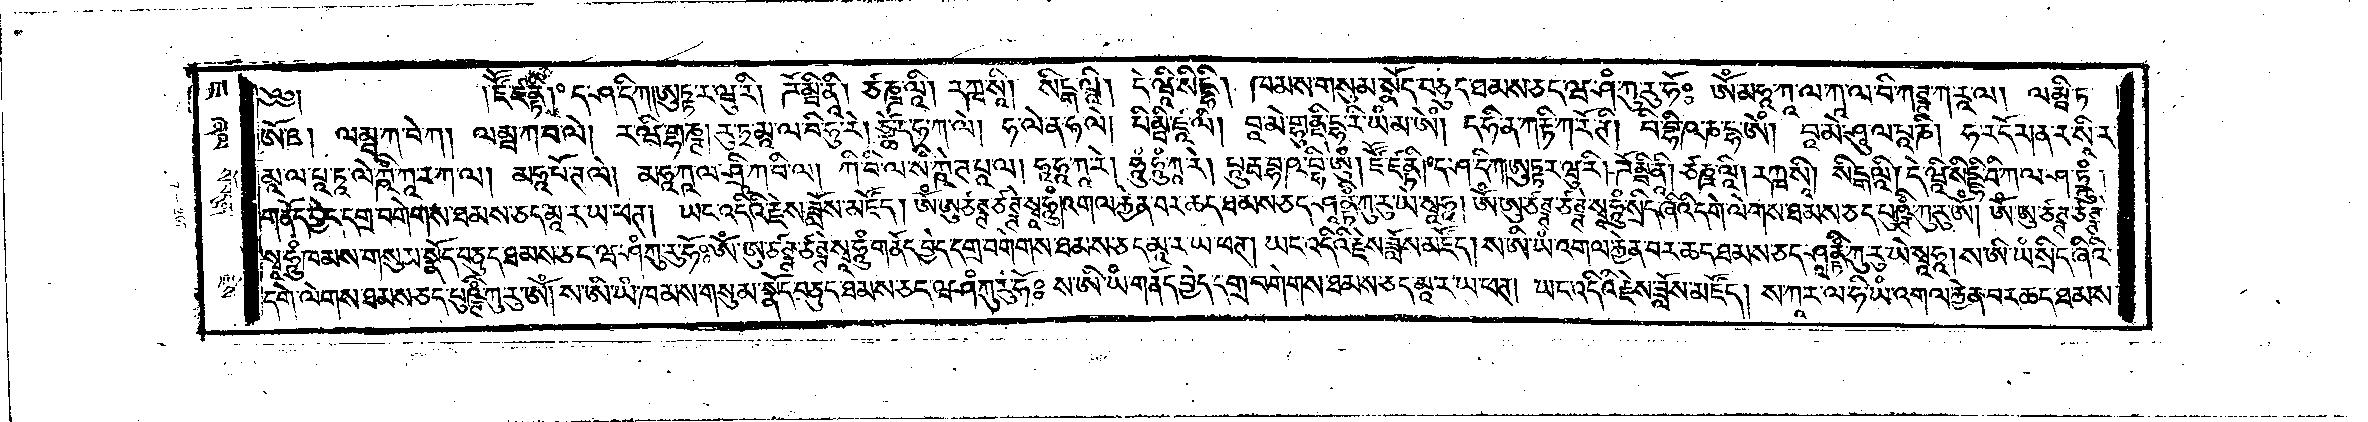༄༅། །ཛཽ་ཛ་ནྟི། དེ་ཤ་དིཀ། ཨུཏྟ་ར་ཝུ་རི། ཌོ་མྦི་ནཱི། ཙཎྜ་ལཱི། རཀྑ་སཱི། སིངྒ་ལཱི། དེ་ཝཱི་སིངྔྷི། ཁམས་གསུམ་སྣོད་བཅུད་ཐམས་ཅད་ཝ་ཤཾ་ཀུ་རུ་ཧོཿ ཨོཾ་མ་ཧཱ་ཀཱ་ལ་ཀཱ་ལ་བི་ཀཊྚ་ཀ་རཱ་ལ། ལ་མྦི་ཏ་
ཨོ་ཊཿཨ། ལམྦ་ཀ་པེ་ཀ། ལམྦ་ཀ་བ་ལེ། རཝི་གྷ་ཎྜྡ། རུ་ཏྲ་མཱ་ལ་བི་ཧུ་རེ། ཙྪེ་ར་ཧ་ཀ་ལེ། ཧ་ལེ་ན་ཧ་ལེ། པི་མྦི་ཛཱ་ལི། བཱ་མེ་གྷུནྡི་དྷ་རི་ཡཾ་མ་ཨོཾ། ད་ཧིན་ཀ་རྟི་ཀ་རོ་ཊི། བི་བྷི་ཥ་ཎྣ་དྷ་ཨོཾ་བླ་མེ་ཤཱུ་ལ་པཱ་ཎི། ཧ་ར་དོ་གནར་སིར་
མཱ་ལ་པཱ་ཏཱ་ལེ་ཀྵཾ་ཀཱ་ར་ཀ་ལ། མྷཱ་པཽ་ཊ་ལེ། མྷཱ་ཀཱ་ལ་ཤྲཱི་ཀ་བི་ལ། ཀི་བི་ལ་སིཾ་ཀྵེ་ཊ་པཱ་ལ། ཧཱ་ཧཱ་ཀཱ་རེ། ཧཱུཾ་ཧཱུཾ་ཀཱ་རེ། པཱུརྦ་བྷ་ཥ་བྷི་ཨུཾ། ཛཽ་ཛ་ནྟི། ད་ཤ་དིཀ། ཨུཏྟ་ར་ཝུ་རི། ཌོམྦི་ནི། ཙཎྜ་ལཱི། རཀྑ་སཱི། སིངྒ་ལཱི། དེ་ཝཱི་སིངྔྷི་བི་ཀ་ལ་ཤ་ཏྲཱུཾ།
གནོད་བྱེད་དགྲ་བགེགས་ཐམས་ཅད་མཱ་ར་ཡ་ཕཊ། ཡང་འདིའི་རྗེས་ཟློས་མཛོད། ཨོཾ་ཨུ་ཙཊྚ་ཙཊྚེ་སྭཱ་ཧཱུཾ། འགལ་རྐྱེན་བར་ཆད་ཐམས་ཅད་ཤཱནྟ་ཀུ་རུ་ཡེ་སྭཱཧཱ། ཨོཾ་ཨུ་ཙ་ཊྚ་ཙཊྚེ་སྭཱཧཱུཾ་སྲིད་ཞིའི་དགེ་ལེས་ཐམས་ཅ་པུཥྚི་ཀུ་རུ་ཨོཾ། ཨོཾ་ཨོཾ་ཨུ་ཙཊྚ་ཙཊྚི་
སྭཱ་ཧཱུཾ་ཁམས་གསུམ་སྣོད་བཅུད་ཐམས་ཅད་ཝ་ཤཾ་ཀུ་རུ་ཧོཿ ཨོཾ་ཙཊྚ་ཙཊྚེ་སྭཱ་ཧཱུཾ་གནོད་བྱེད་དགྲ་བགེགས་ཐམས་ཅད་མཱ་ར་ཡ་ཕཊ། ཡང་འདིའི་རྗེས་ཟློས་མཛོད། ས་ཨི་ཡཾ་འགལ་རྐྱེན་བར་ཆད་ཐམས་ཅད་ཤྭནྟི་ཀུ་རུ་ཡེ་སྭཱཧཱ། ས་ཨི་ཡཾ་སྲིད་ཞིའི་
དགེ༑ ལེགས་ཐམས་ཅད་པུཥྚམ་ཀུ་རུ་ཨོཾ། ས་ཨི་ཡཾ་ཁམས་གསུམ་སྣོད་བཅུད་ཐམས་ཅད་ཝ་ཤཾ་ཀུ་རུ་ཧོཿ ས་ཨི་ཡཾ་གནོད་བྱེད་དགྲ་བགེགས་ཐམས་ཅད་མཱ་ར་ཡ་ཕཊ། ཡང་འདིའི་རྗེས་ཟློས་མཛོད། ས་ཀཱ་ར་ལ་ཧི་ཡཾ་འགལ་རྐྱེན་བར་ཆད་ཐམས་